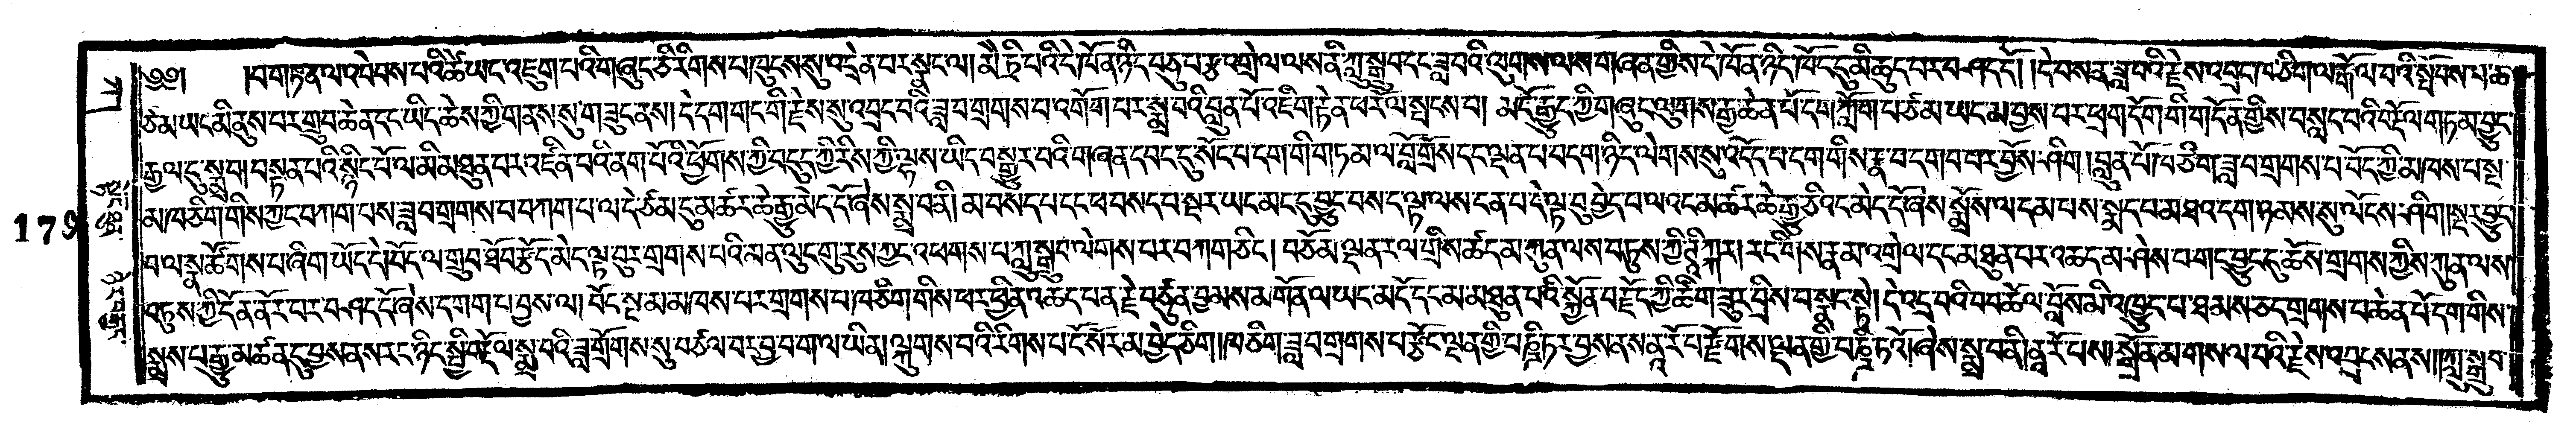༄༅། །བ་གཏན་ལ་འབེབས་པའི་ཚེ་ཡང་འཇུག་པའི་གཞུང་ཅི་རིགས་བ་ཁུངས་སུ་འདྲེན་པར་སྣང་ལ། མཻ་ཏྲི་པའི་དེ་ཁོ་ན་ཉིད་བཅུ་པ་རྩ་འགྲེལ་ལས་ནི་ཀླུ་སྒྲུབ་དང་ཟླ་བའི་ལུགས་ལས་གཞན་གྱིས་དེ་ཁོ་ན་ཉིད་ཁོང་དུ་མི་ཆུད་པར་བཤད་དོ། །དེ་བས་ན་ཟླ་བའི་རྗེས་འབྲང་ཁ་ཅིག་ལ་རྒོལ་བའི་སྤོབས་བ་ཆ་
ཙམ་ཡང་མི་ནུས་བར་གྲུབ་ཆེན་དང་ཡིད་ཆེས་ཀྱི་གནས་སུ་གཟུང་ནས། དེ་དག་གང་གི་རྗེས་སུ་འབྲང་བའི་ཟླ་བ་གྲགས་པ་འགོག་པར་སྨྲ་བའི་བླུན་པོ་འཇིག་རྟེན་ཕ་རོལ་སྤངས་པ། མདོ་རྒྱུད་ཀྱི་གཞུང་ལུགས་རྒྱ་ཆེན་པོ་དག་ཀློག་པ་ཙམ་ཡང་མ་བྱས་པར་ཕྲག་དོག་གི་གདོན་གྱིས་བསླད་བའི་བརྡོལ་གཏམ་བྱུང་
རྒྱལ་དུ་སྨྲ་བ། བསྟན་པའི་སྙིང་པོ་ལ་མི་མཐུན་པར་འཛིན་བའི་ནག་པོའི་ཕྱོགས་ཀྱི་བདུད་ཀྱི་རིས་ཀྱི་ལྷས་ཡིད་བསྒྱུར་བའི་གཞན་དབང་དུ་སོང་བ་དག་གི་གཏམ་ལ་བློ་གྲོས་དང་ལྡན་པ་བདག་ཉིད་ལེགས་སུ་འདོད་པ་དག་གིས་རྣ་བ་དགབ་?་པར་བྱོས་ཤིག །བླུན་པོ་ཁ་ཅིག་ཟླ་བ་གྲགས་པ་བོད་ཀྱི་མཁས་པ་སྔ་
མ་ཁ་ཅིག་གིས་ཀྱང་བཀག་པས་ཟླ་བགྲགས་པ་བཀག་པ་ལ་དེ་ཙམ་དུ་མཚར་ཆེ་རྒྱུ་མེད་དོ་ཞེས་སྨྲ་བ་ནི། མ་བསད་པ་དང་ཕ་བསད་བ་སྔར་ཡང་མང་དུ་བྱུང་བས་ད་ལྟ་ལས་ངན་པ་དེ་ལྟ་བུ་བྱེད་པ་ལའང་མཚར་ཆེ་རྒྱུ་ཅིའང་མེད་དོ་ཞེས་སྨྲོས་ལ་དམ་པས་སྨད་བ་མཐའ་དག་ཉམས་སུ་ལོངས་ཤིག །སྔར་བྱུང་
བ་ལ་སྣ་ཚོགས་པ་ཞིག་ཡོད་དེ། བོད་ལ་གྲུབ་ཐོབ་རྩོད་མེད་ལྟ་བུར་གྲགས་པའི་མན་ལུང་གུ་རུས་ཀྱང་འཕགས་པ་ཀླུ་སྒྲུབ་ལེགས་པར་བཀག་ཅིང་། བཅོམ་ལྡན་རལ་གྲིས་ཚད་མ་ཀུན་ལས་བཏུས་ཀྱི་ཊཱིཀྐྲ། རང་གིས་རྣམ་འགྲེལ་དང་མཐུན་པར་འཆད་མ་ཤེས་པ་གང་བྱུང་དུ་ཆོས་གྲགས་ཀྱིས་ཀུན་ལས།
བཏུས་ཀྱི་དོན་ནོར་པར་བཤད་དོ་ཞེས་དགག་པ་བྱས་ལ། བོད་སྔ་མ་མཁས་པར་གྲགས་པ་ཁ་ཅིག་གིས་ཕར་ཕྱིན་འཆད་པ་ན་རྗེ་བཙུན་བྱམས་མགོན་ལ་ཡང་མདོ་དང་མ་མཐུན་པའི་སྐྱོན་བརྗོད་ཀྱི་ཚིག་ཟུར་བྲིས་པ་སྣང་སྟེ། དེ་འདྲ་བའི་བབ་ཆོལ་བློས་མི་འཁྱུད་པ་ཐམས་ཅད་གྲགས་པ་ཆེན་པོ་དག་གིས་
སྨྲས་པ་རྒྱུ་མཚན་དུ་བྱས་ནས་རང་ཉིད་སྤྱི་བརྡོལ་སྨྲ་བའི་ཟླ་གྲོགས་སུ་བཙལ་བར་བྱ་བ་ག་ལ་ཡིན། ལྐུགས་བའི་རིགས་པ་ངོ་སོར་མ་བྱེད་ཅིག། ཁ་ཅིག་ཟླ་བ་གྲགས་པ་རྩོང་ལྡན་གྱི་པཎྜི་ཏར་བྱས་ནས་ནཱ་རོ་བརྫོགས་ལྡན་གྱི་པཎྜི་ཏའོ། ཞེས་སྨྲ་བ་ནི། ནཱ་རོ་པས། སྒྲོན་མ་གསལ་བའི་རྗེས་འབྲངས་ནས། །ཀླུ་སྒྲུབ་